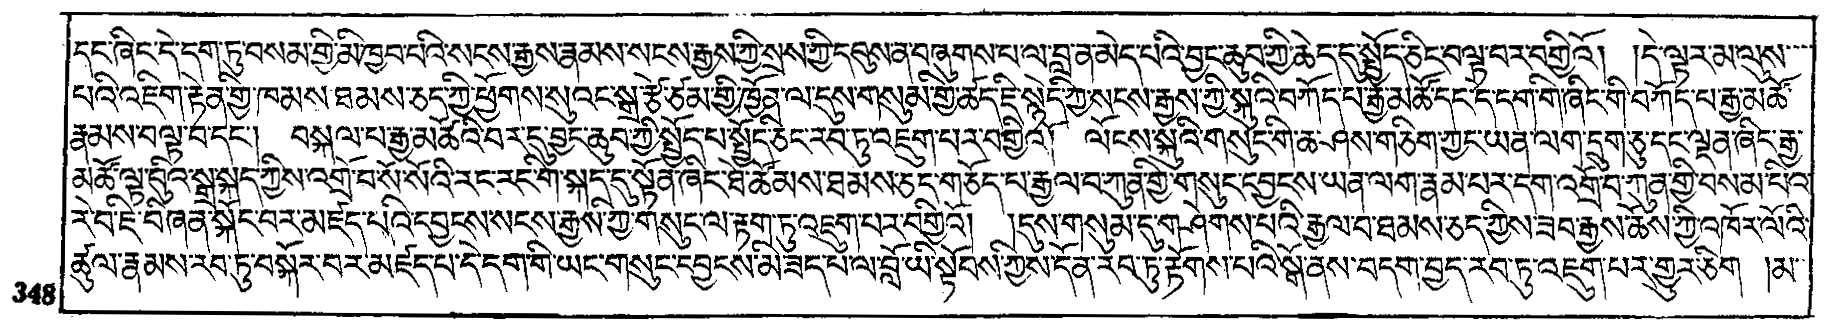དང་ཞིང་དེ་དག་ཏུ་བསམ་གྱི་མི་ཁྱབ་པའི་སངས་རྒྱས་རྣམས་སངས་རྒྱས་ཀྱི་སྲས་ཀྱི་དབུས་ན་བཞུགས་པ་ལ་བླ་ན་མེད་པའི་བྱང་ཆུབ་ཀྱི་ཆེད་དུ་སྤྱོད་ཅིང་བལྟ་བར་བགྱིའོ། །དེ་ལྟར་མ་ལུས་
པའི་འཇིག་རྟེན་གྱི་ཁམས་ཐམས་ཅད་ཀྱི་ཕྱོགས་སུའང་སྒྲ་རྩེ་ཙམ་གྱི་ཁྱོན་ལ་དུས་གསུམ་གྱི་ཚད་ཇི་སྙེད་ཀྱི་སངས་རྒྱས་ཀྱི་སྐུའི་བཀོད་པ་རྒྱ་མཚོ་དང་དེ་དག་གི་ཞིང་གི་བཀོད་པ་རྒྱ་མཚོ་
རྣམས་བལྟ་བ་དང་། བསྐལ་པ་རྒྱ་མཚོའི་བར་དུ་བྱང་ཆུབ་ཀྱི་སྤྱོད་པ་སྤྱོད་ཅིང་རབ་ཏུ་འཇུག་པར་བགྱིའོ། ལོངས་སྐུའི་གསུང་གི་ཆ་ཤས་གཅིག་ཀྱང་ཡན་ལག་དྲུག་ཅུ་དང་ལྡན་ཞིང་རྒྱ་
མཚོ་ལྟ་བུའི་སྒྲ་སྐད་ཀྱིས་འགྲོ་བ་སོ་སོའི་རང་རང་གི་སྐད་དུ་སྟོན་ཞིང་ཐེ་ཚོམས་ཐམས་ཅད་གཅོད་པ་རྒྱལ་བ་ཀུན་གྱི་གསུང་དབྱངས་ཡན་ལག་རྣམ་པར་དག་འགྲོ་བ་ཀུན་གྱི་བསམ་པའི་
རེ་བ་ཇི་བཞིན་སྐོང་བར་མཛད་པའི་དབྱངས་སངས་རྒྱས་ཀྱི་གསུང་ལ་རྟག་ཏུ་འཇུག་པར་བགྱིའོ། །དུས་གསུམ་དུ་གཤེགས་པའི་རྒྱལ་བ་ཐམས་ཅད་ཀྱིས་ཟབ་རྒྱས་ཆོས་ཀྱི་འཁོར་ལོའི་
ཚུལ་རྣམས་རབ་ཏུ་བསྐོར་བར་མཛད་པ་དེ་དག་གི་ཡང་གསུང་དབྱངས་མི་ཟད་པ་ལ་བློ་ཡི་སྟོབས་ཀྱིས་དོན་རབ་ཏུ་རྟོགས་པའི་སྒོ་ནས་བདག་བྱད་རབ་ཏུ་འཇུག་པར་གྱུར་ཅིག །མ་